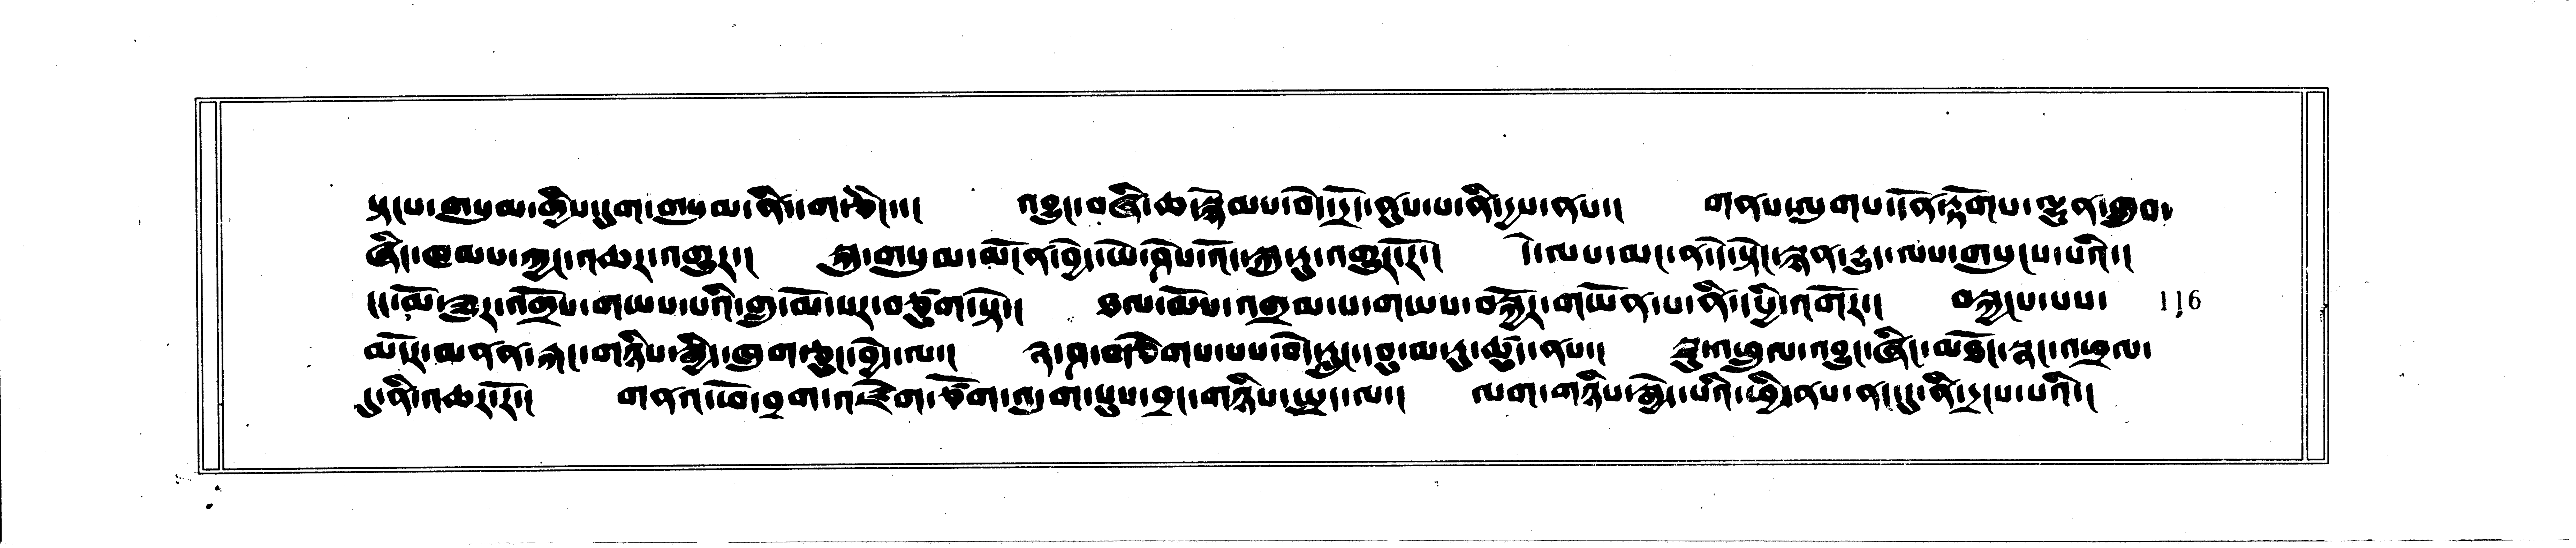སྟངས་གསུམ་གྱིས་དུག་གསུམ་ནི་དག་ཅིང་། །འབྱུང་བཞི་ཆ་སྙོམས་བདེ་དྲོད་ནུས་པ་ནི་རྒྱས་ནས། །གནས་ལུགས་དོན་རྟོགས་ལྷུན་གྲུབ་
ཞིང་ཁམས་ཀྱང་འཆར་འགྱུར། །སྐུ་གསུམ་མངོན་བྱེད་ཡེ་ཤེས་འོད་སྐུ་རུ་འགྱུར་རོ། །དེ་ལས་མང་ན་དེ་སྟེང་སྙན་རྒྱུད་ལས་གསུངས་པའི། །
ངང་མོ་ཟུར་འགྲོས་གཡས་པའི་གྲུ་མོ་སར་བཙུགས་ཏེ། །ཐལ་མོས་འགྲམ་པ་གཡས་བསྐྱོར་གཡོན་པ་ནི་དཔྱི་འགོར། །བརྐྱངས་པས་
མདོར་མནན་རྐང་གཉིས་སྒྱིད་ཁུག་ཅུང་བྱེད་ལ། །ཉ་ཤ་བརྩེགས་པས་བདེ་རླུང་དབུ་མ་ལ་ཚུད་ནས། །རྫུ་འཕྲུལ་འབྱུང་ཞིང་མཐོང་སྣང་འཕྲལ་
དུ་ནི་འཆར་རོ། །གནའ་ཕོ་བྲག་འཛེགས་ཙོག་འདུག་པུས་བྲང་གཉིས་སྤྲད་ལ། །ལག་གཉིས་སྒྱེད་པའི་ཕྱི་ནས་ནང་དུ་ནི་དྲངས་པའི། །